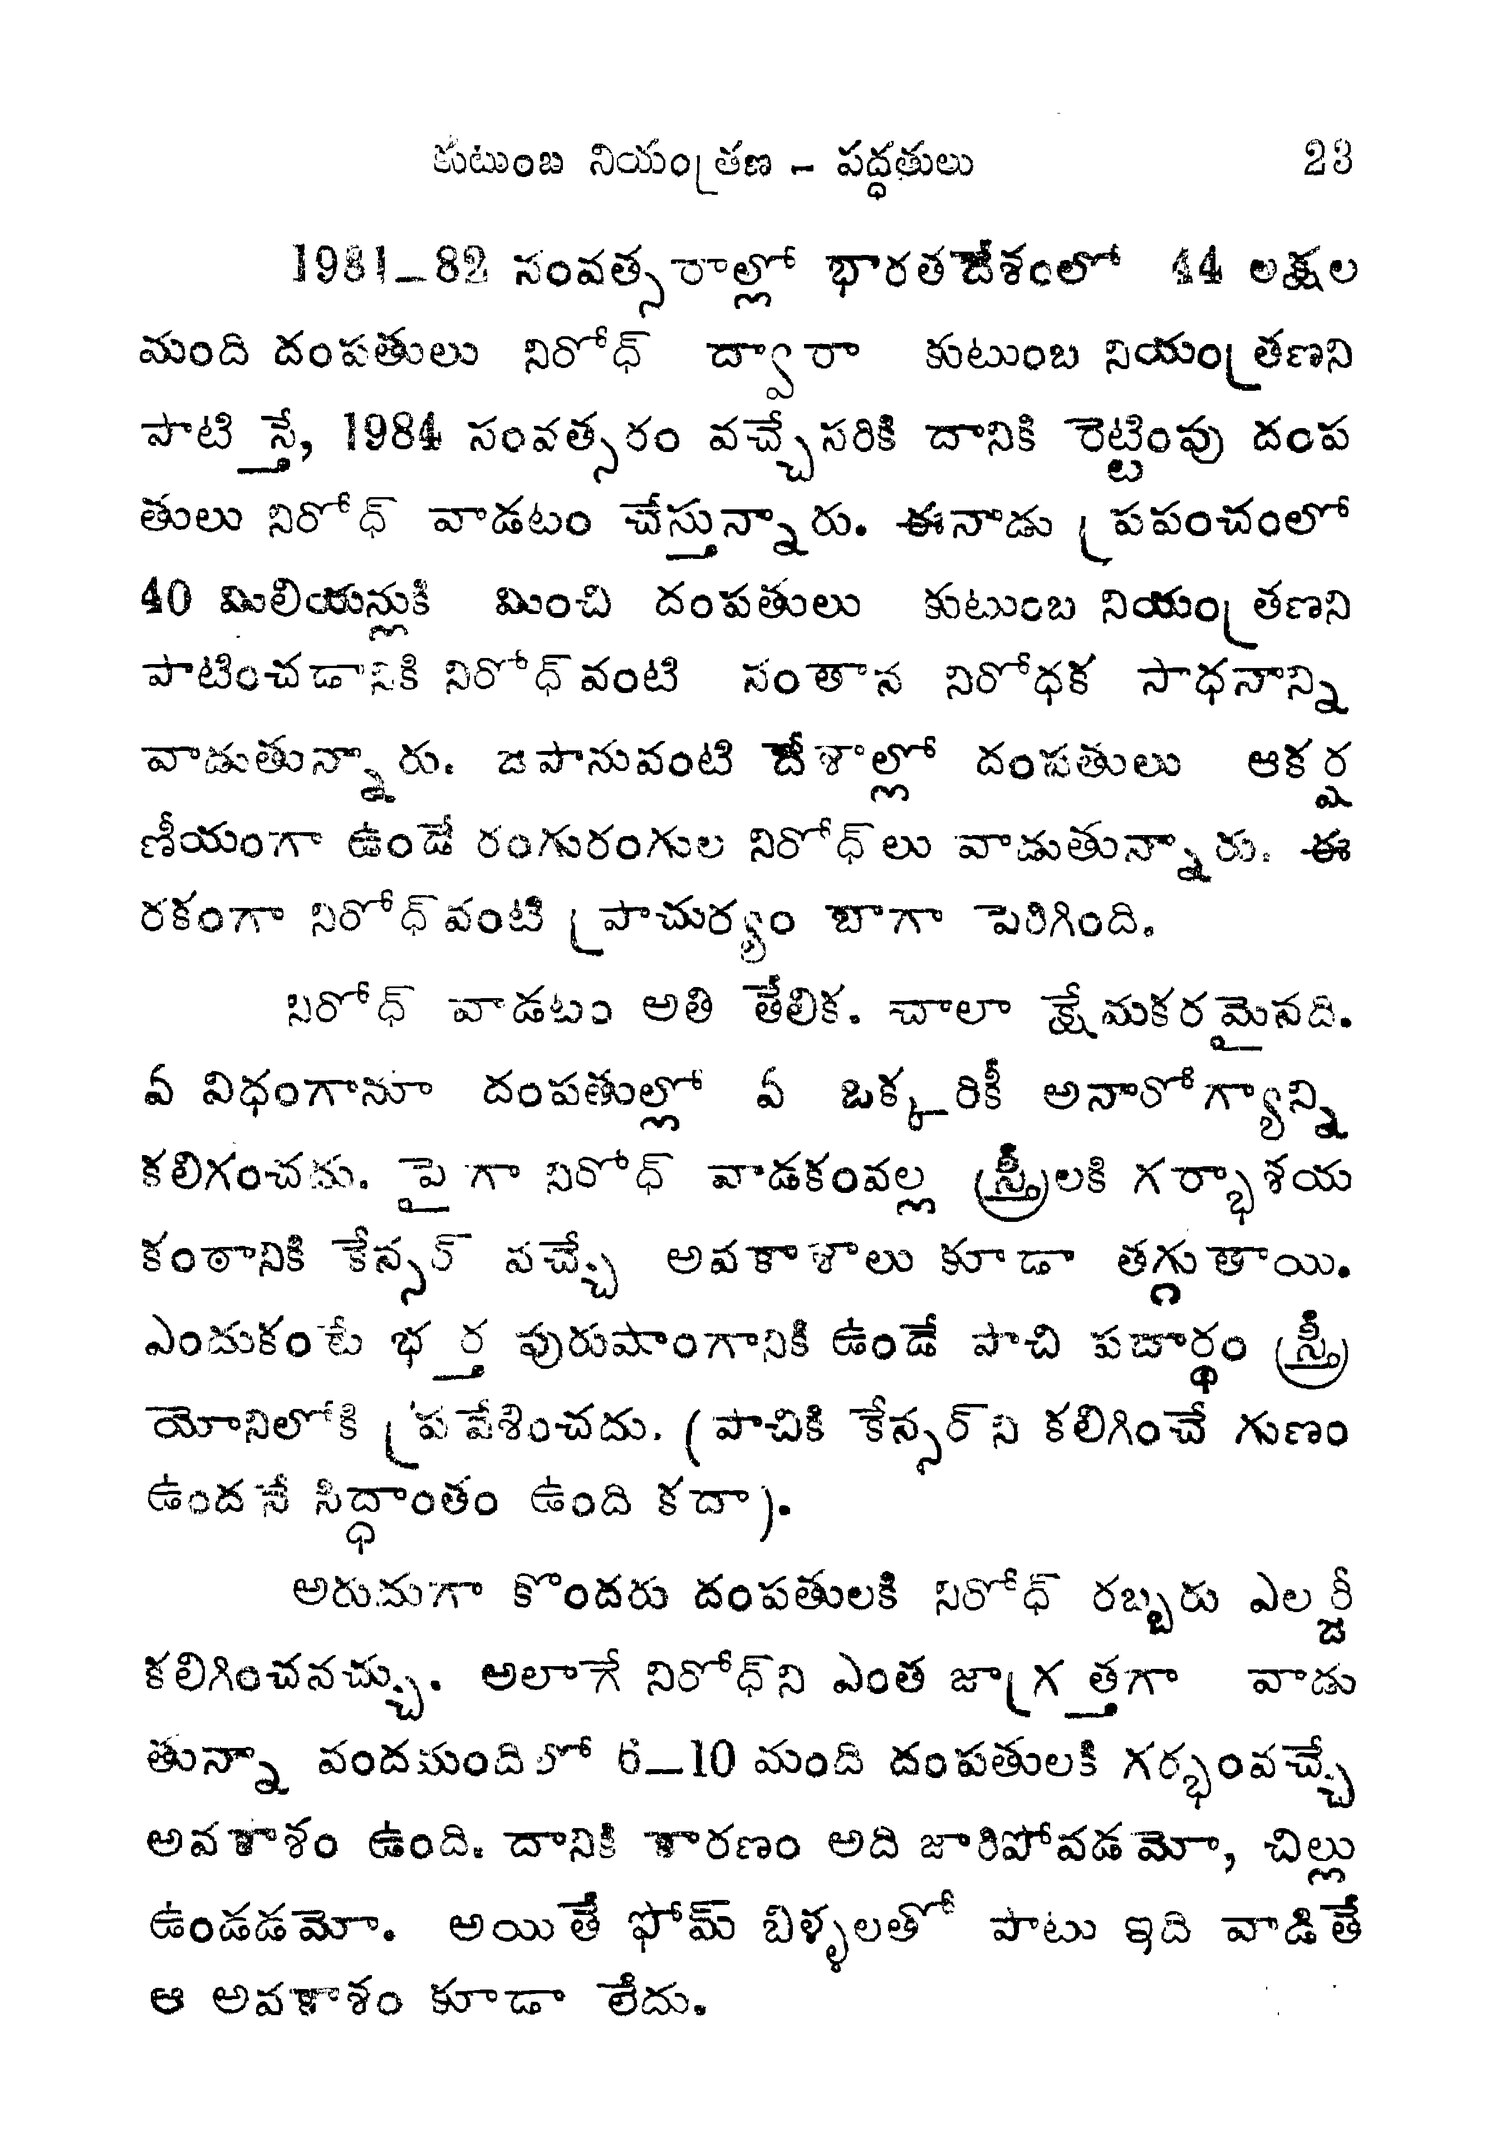1981-82 సంవత్సరాల్లో భారతదేశంలో 44 లక్షల మంది దంపతులు నిరోధ్ ద్వారా కుటుంబ నియంత్రణని పాటిస్తే, 1984 సంవత్సరం వచ్చేసరికి దానికి రెట్టింపు దంపతులు నిరోధ్ వాడటం చేస్తున్నారు. ఈ నాడు ప్రపంచంలో 40 మిలియన్లుకి మించి దంపతులు కుటుంబ నియంత్రణని పాటించడానికి నొరోధ్ వంటి సంతాన నిరోధక సాధనాన్ని వాడుతున్నారు. జపానువంటి దేశాల్లో దంపతులు ఆకర్షణీయంగా ఉండే రంగురంగుల నిరోధ్‌లు వాడుతున్నారు. ఈ రకంగా నిరోధ్‌వంటి ప్రాచుర్యం బాగా పెరిగింది.

నిరోధ్ వాడటం అతి తేలిక. చాలా క్షేమకరమైనది. ఏ విధంగానూ దంపతుల్లో ఏ ఒక్కరికీ అనారోగ్యాన్ని కలిగించదు. పైగా నిరోధ్ వాడకంవల్ల స్రీలకి గర్భాశయ కంఠానికి కేన్సర్ వచ్చే అవకాశాలు కూడా తగ్గుతాయి. ఎందుకంటే భర్త పురుషాంగానికి ఉండే పాచి పదార్ధం స్త్రీ యోనిలోకి ప్రవేశించదు. (పాచికి కేన్సర్‌ని కలిగించే గుణం ఉందనే సిద్ధాంతం ఉంది కదా).

అరుదుగా కొందరు దంపతులకి నిరోధ్ రబ్బర్ ఎలర్జీ కలిగించవచ్చు. అలాగే నిరోధ్‌ని ఎంత జాగ్రత్తగా వాడుతున్నా వందమందిలో 6-10 మంది దంపతులకి గర్భంవచ్చే అవకాశం ఉంది. దానికి కారణం అది జారిపోవడమో, చిల్లు ఉండడమో, అయితే ఫోమ్ బిళ్ళలతో పాటు ఇది వాడితే ఆ అవకాశం కూడా లేదు.